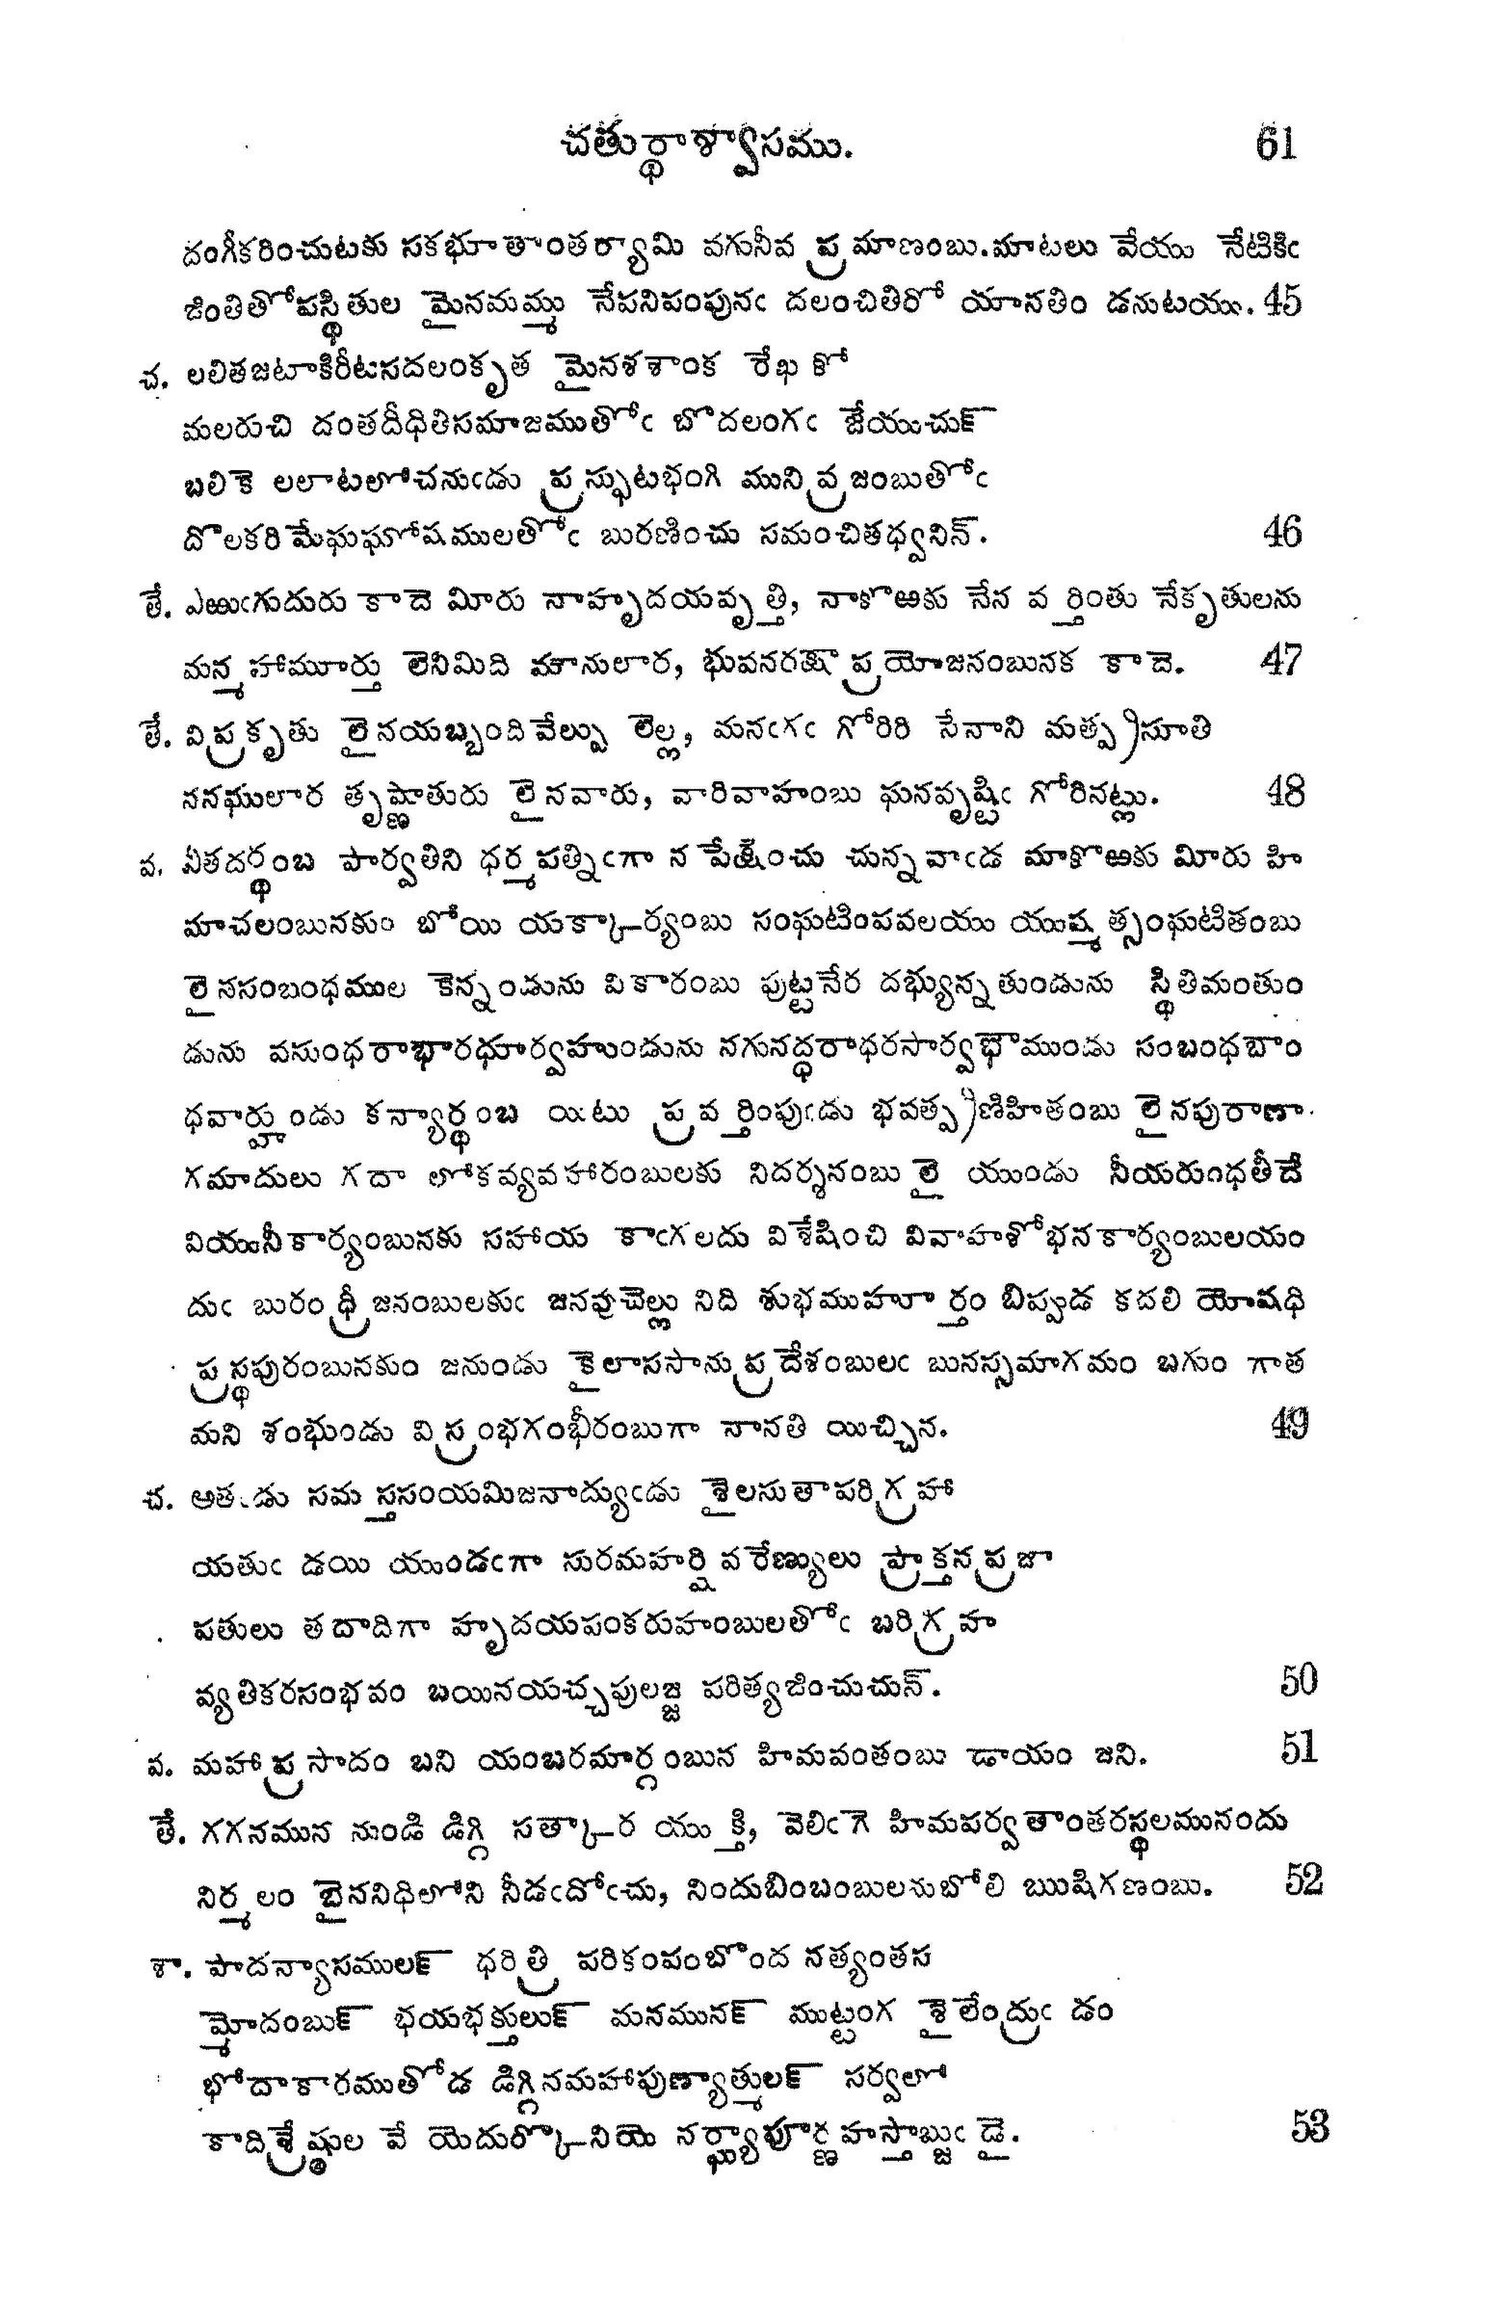దంగీకరించుటకు సకలభూతాంతర్యామి వగునీవ ప్రమాణంబు. మాటలు వేయు నేటికిఁ జింతితోపస్థితుల మైనమమ్ము నేపనిపంపునఁ దలంచితిరో యానతిం డనుటయు. 45

చ. లలితజటాకిరీటసదలంకృత మైనశశాంకరేఖ కో
మలరుచి దంతదీధితిసమాజముతోఁ బొదలంగఁ జేయుచున్
బలికె లలాటలోచనుఁడు ప్రస్ఫుటభంగి మునివ్రజంబుతోఁ
దొలకరిమేఘఘోషములతోఁ బురణించు సమంచితధ్వనిన్. 46

తే. ఎఱుఁగుదురు కాదె మీరు నాహృదయవృత్తి, నాకొఱకు నేన వర్తింతు నేకృతులను
మన్మహామూర్తు లెనిమిది మౌనులార, భువనరక్షాప్రయోజనంబునక కాదె. 47

తే. విప్రకృతు లైనయబ్బందివేల్పు లెల్ల, మనఁగఁ గోరిరి సేనాని మత్ప్రసూతి
ననఘులార తృష్ణాతురు లైనవారు, వారివాహంబు ఘనవృష్టిఁ గోరినట్లు. 48

వ. ఏతదర్థంబ పార్వతిని ధర్మపత్నిఁగా నపేక్షించు చున్నవాఁడ మాకొఱకు మీరు హిమాచలంబునకుం బోయి యక్కార్యంబు సంఘటింపవలయు యుష్మత్సంఘటితంబు
లైనసంబంధముల కెన్నండును వికారంబు పుట్టనేర దభ్యున్నతుండును స్థితిమంతుండును వసుంధరాభారధూర్వహుండును నగునద్ధరాధరసార్వభౌముండు సంబంధబాంధవార్హుండు కన్యార్థంబ యిటు ప్రవర్తింపుఁడు భవత్ప్రణిహితంబు లైనపురాణాగమాదులు గదా లోకవ్యవహారంబులకు నిదర్శనంబు లై యుండు నీయరుంధతీదేవియు నీకార్యంబునకు సహాయ కాఁగలదు విశ్లేషించి వివాహశోభనకార్యంబులయందుఁ బురంధ్రీజనంబులకుఁ జనవుచెల్లు నిది శుభముహూర్తం బిప్పుడ కదలి యోషధిప్రస్థపురంబునకుం జనుండు కైలాససానుప్రదేశంబులఁ బునస్సమాగమం బగుం గాత మని శంభుండు విస్రంభగంభీరంబుగా నానతి యిచ్చిన. 49

చ. అతఁడు సమస్తసంయమిజనాద్యుఁడు శైలసుతాపరిగ్రహా
యతుఁ డయి యుండఁగా సురమహర్షివరేణ్యులు ప్రాక్తనప్రజా
పతులు తదాదిగా హృదయపంకరుహంబులతోఁ బరిగ్రహ
వ్యతికరసంభవం బయినయచ్చపులజ్జ పరిత్యజించుచున్. 50

వ. మహాప్రసాదం బని యంబరమార్గబున హిమవంతంబు డాయం జని. 51

తే. గగనమున నుండి డిగ్గి సత్కారయుక్తి, వెలిఁగె హిమపర్వతాంతరస్థలమునందు
నిర్మలం బైననిధిలోని నీడఁ దోఁచు, నిందుబింబంబులను బోలి ఋషిగణంబు. 52

శా. పాదన్యాసములన్ ధరిత్రి పరికంపంబొంద నత్యంతస
మ్మోదంబున్ భయభక్తులున్ మనమునన్ ముట్టంగ శైలేంద్రుఁ డం
భోదాకారముతోడ డిగ్గి నమ్మహాపుణ్యాతులన్ సర్వలో
కాదిశ్రేష్ఠుల వే యెదుర్కొనియె నర్ఘ్యాపూర్ణహస్తాబ్జుఁడై. 53